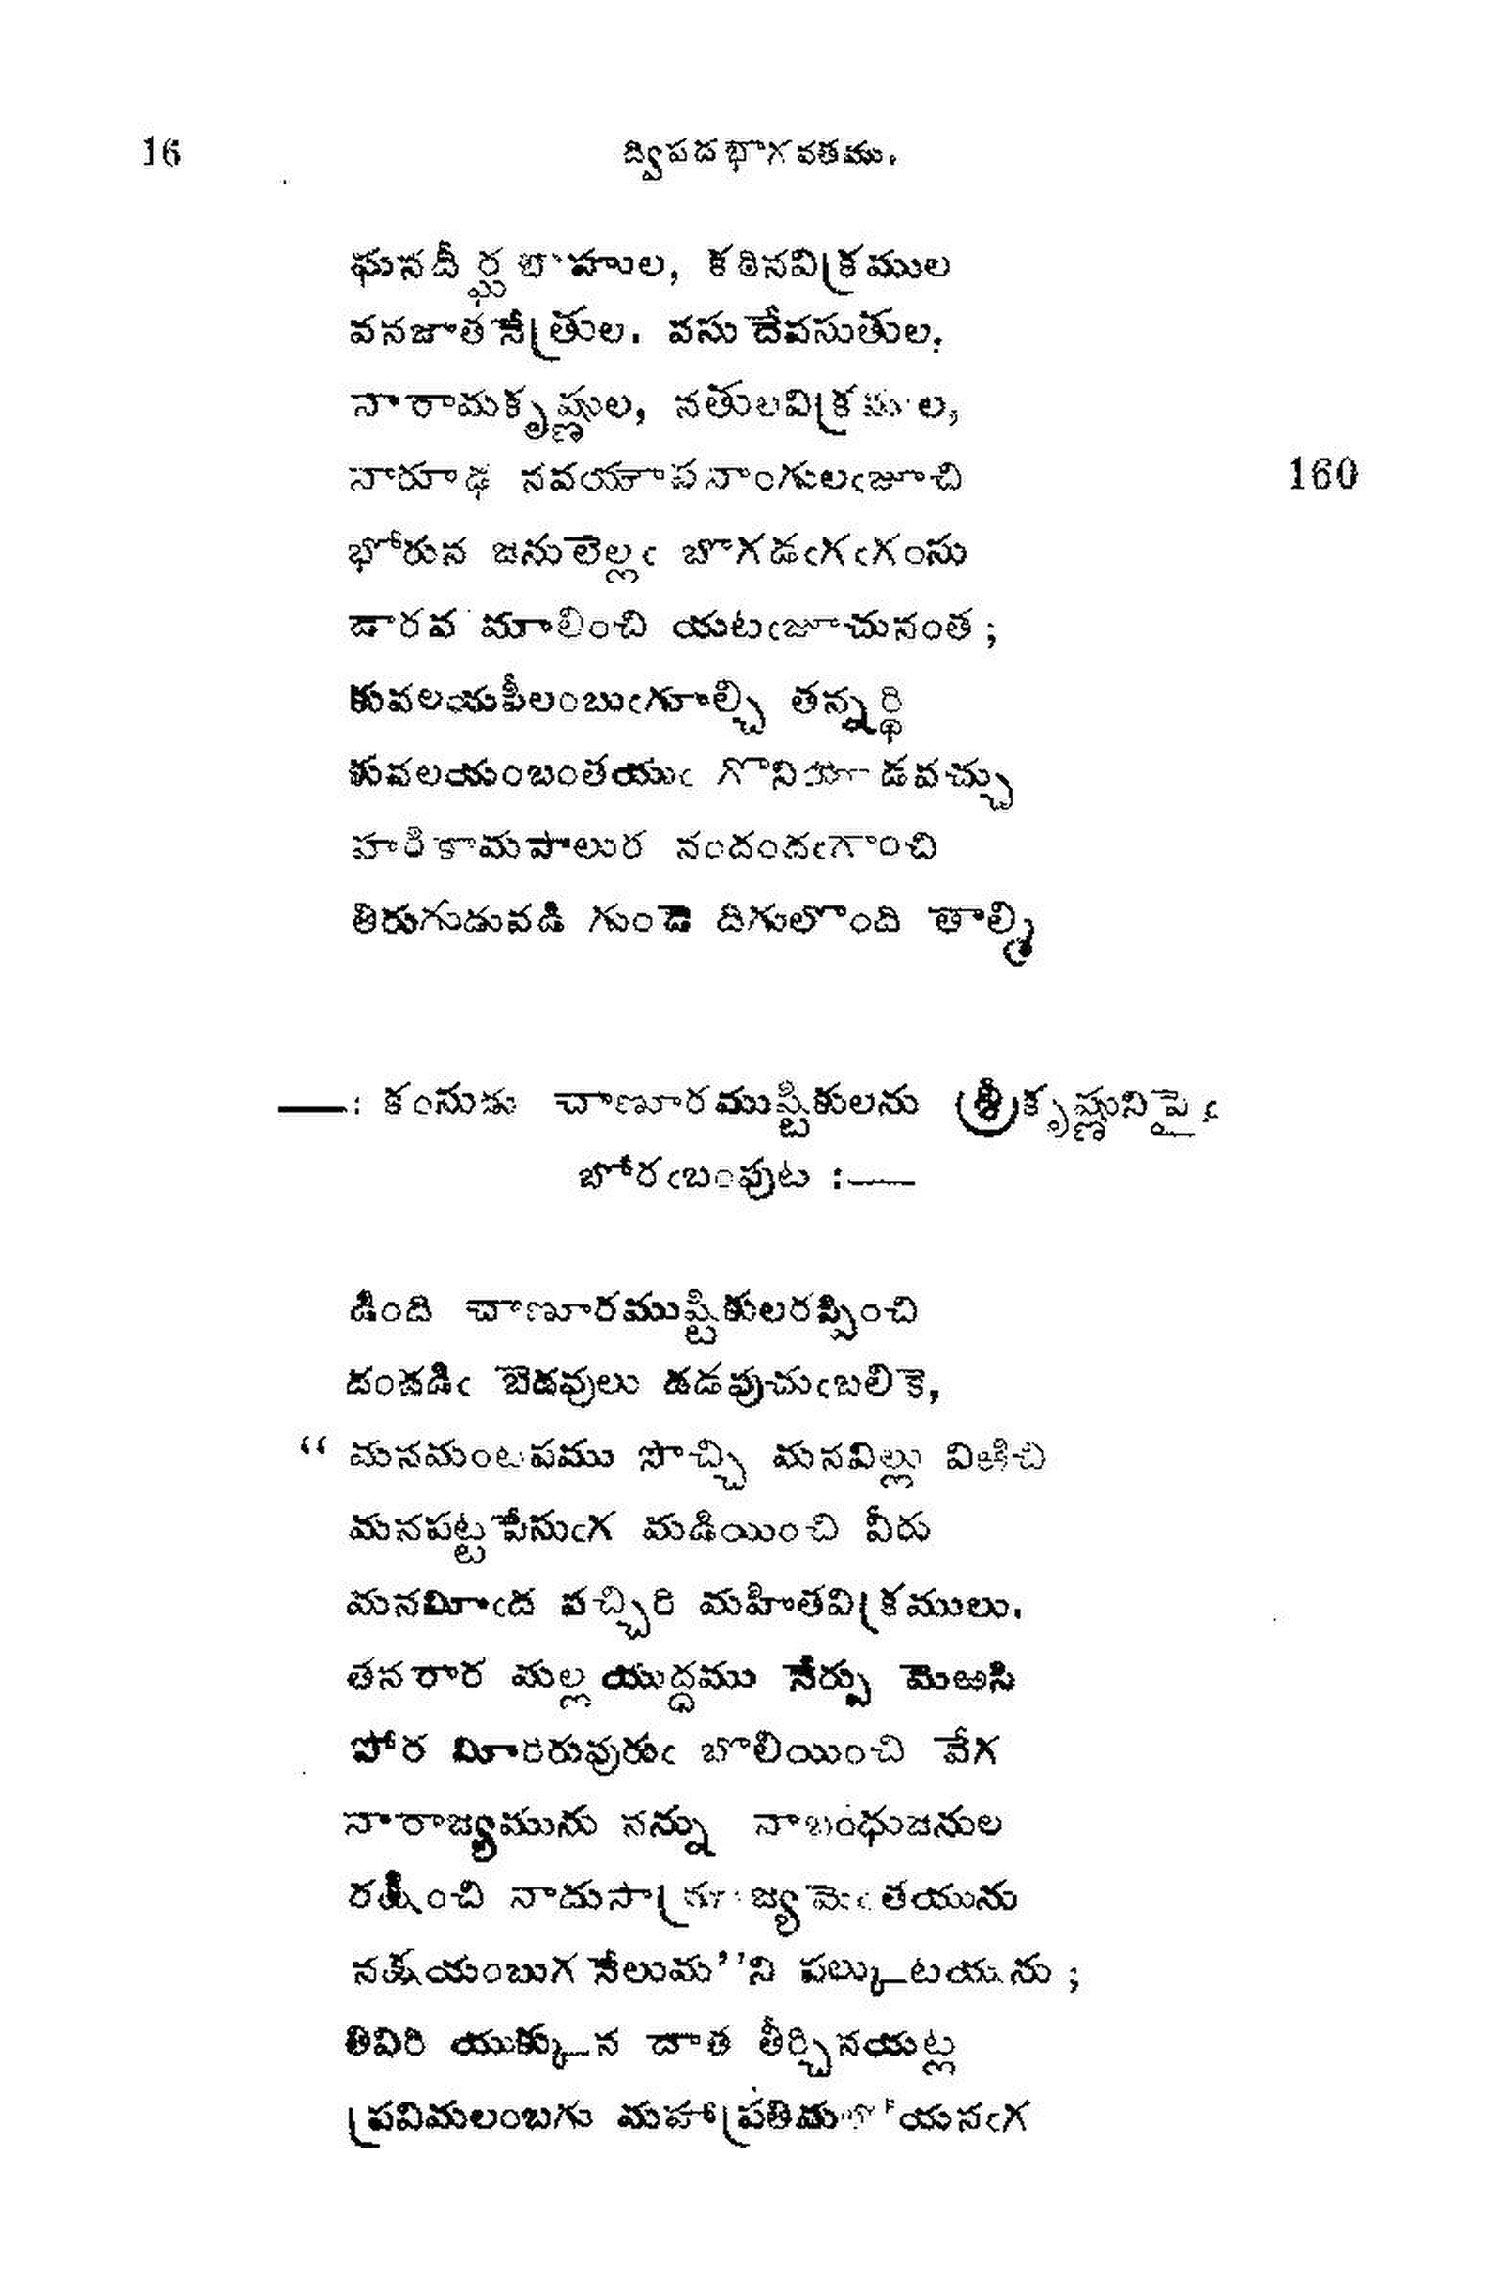ఘనదీర్ఘబాహుల, కఠినవిక్రముల
వనజాతనేత్రుల, వసుదేవసుతుల,
నారామకృష్ణుల, నతులవిక్రముల,
నారూఢనవయౌవనాంగులఁ జూచి
భోరున జనులెల్లఁ బొగడఁగఁ గంసు
డారవ మాలించి యటఁ జూచునంత;
కువలయపీలంబుఁ గూల్చి తన్నర్థి
కువలయంబంతయుఁ గొనియాడవచ్చు
హరికామపాలుర నందందఁగాంచి
తిరుగుడువడి గుండె దిగులొంది తాల్మి

డింది చాణూరముష్టికుల రప్పించి
దందడిఁ బెదవులు దడపుచుఁ బలికె,
"మనమంటపము సొచ్చి మనవిల్లు విడిచి
మనపట్టపేనుఁగ మడియించి వీరు
మనమీఁద వచ్చిరి మహితవిక్రములు.
తనరార మల్లయుద్ధము నేర్పు మెఱసి
పోర మీరిరువురుఁ బొలియించి వేగ
నారాజ్యమును నన్ను నాబంధుజనుల
రక్షించి నాదుసామ్రాజ్య మెంతయును
నక్షయంబుగ నేలుమ”ని పల్కుటయును ;
తివిరి యుక్కున దాత తీర్చినయట్ల
ప్రవిమలంబగు మహాప్రతిమలో యనఁగ